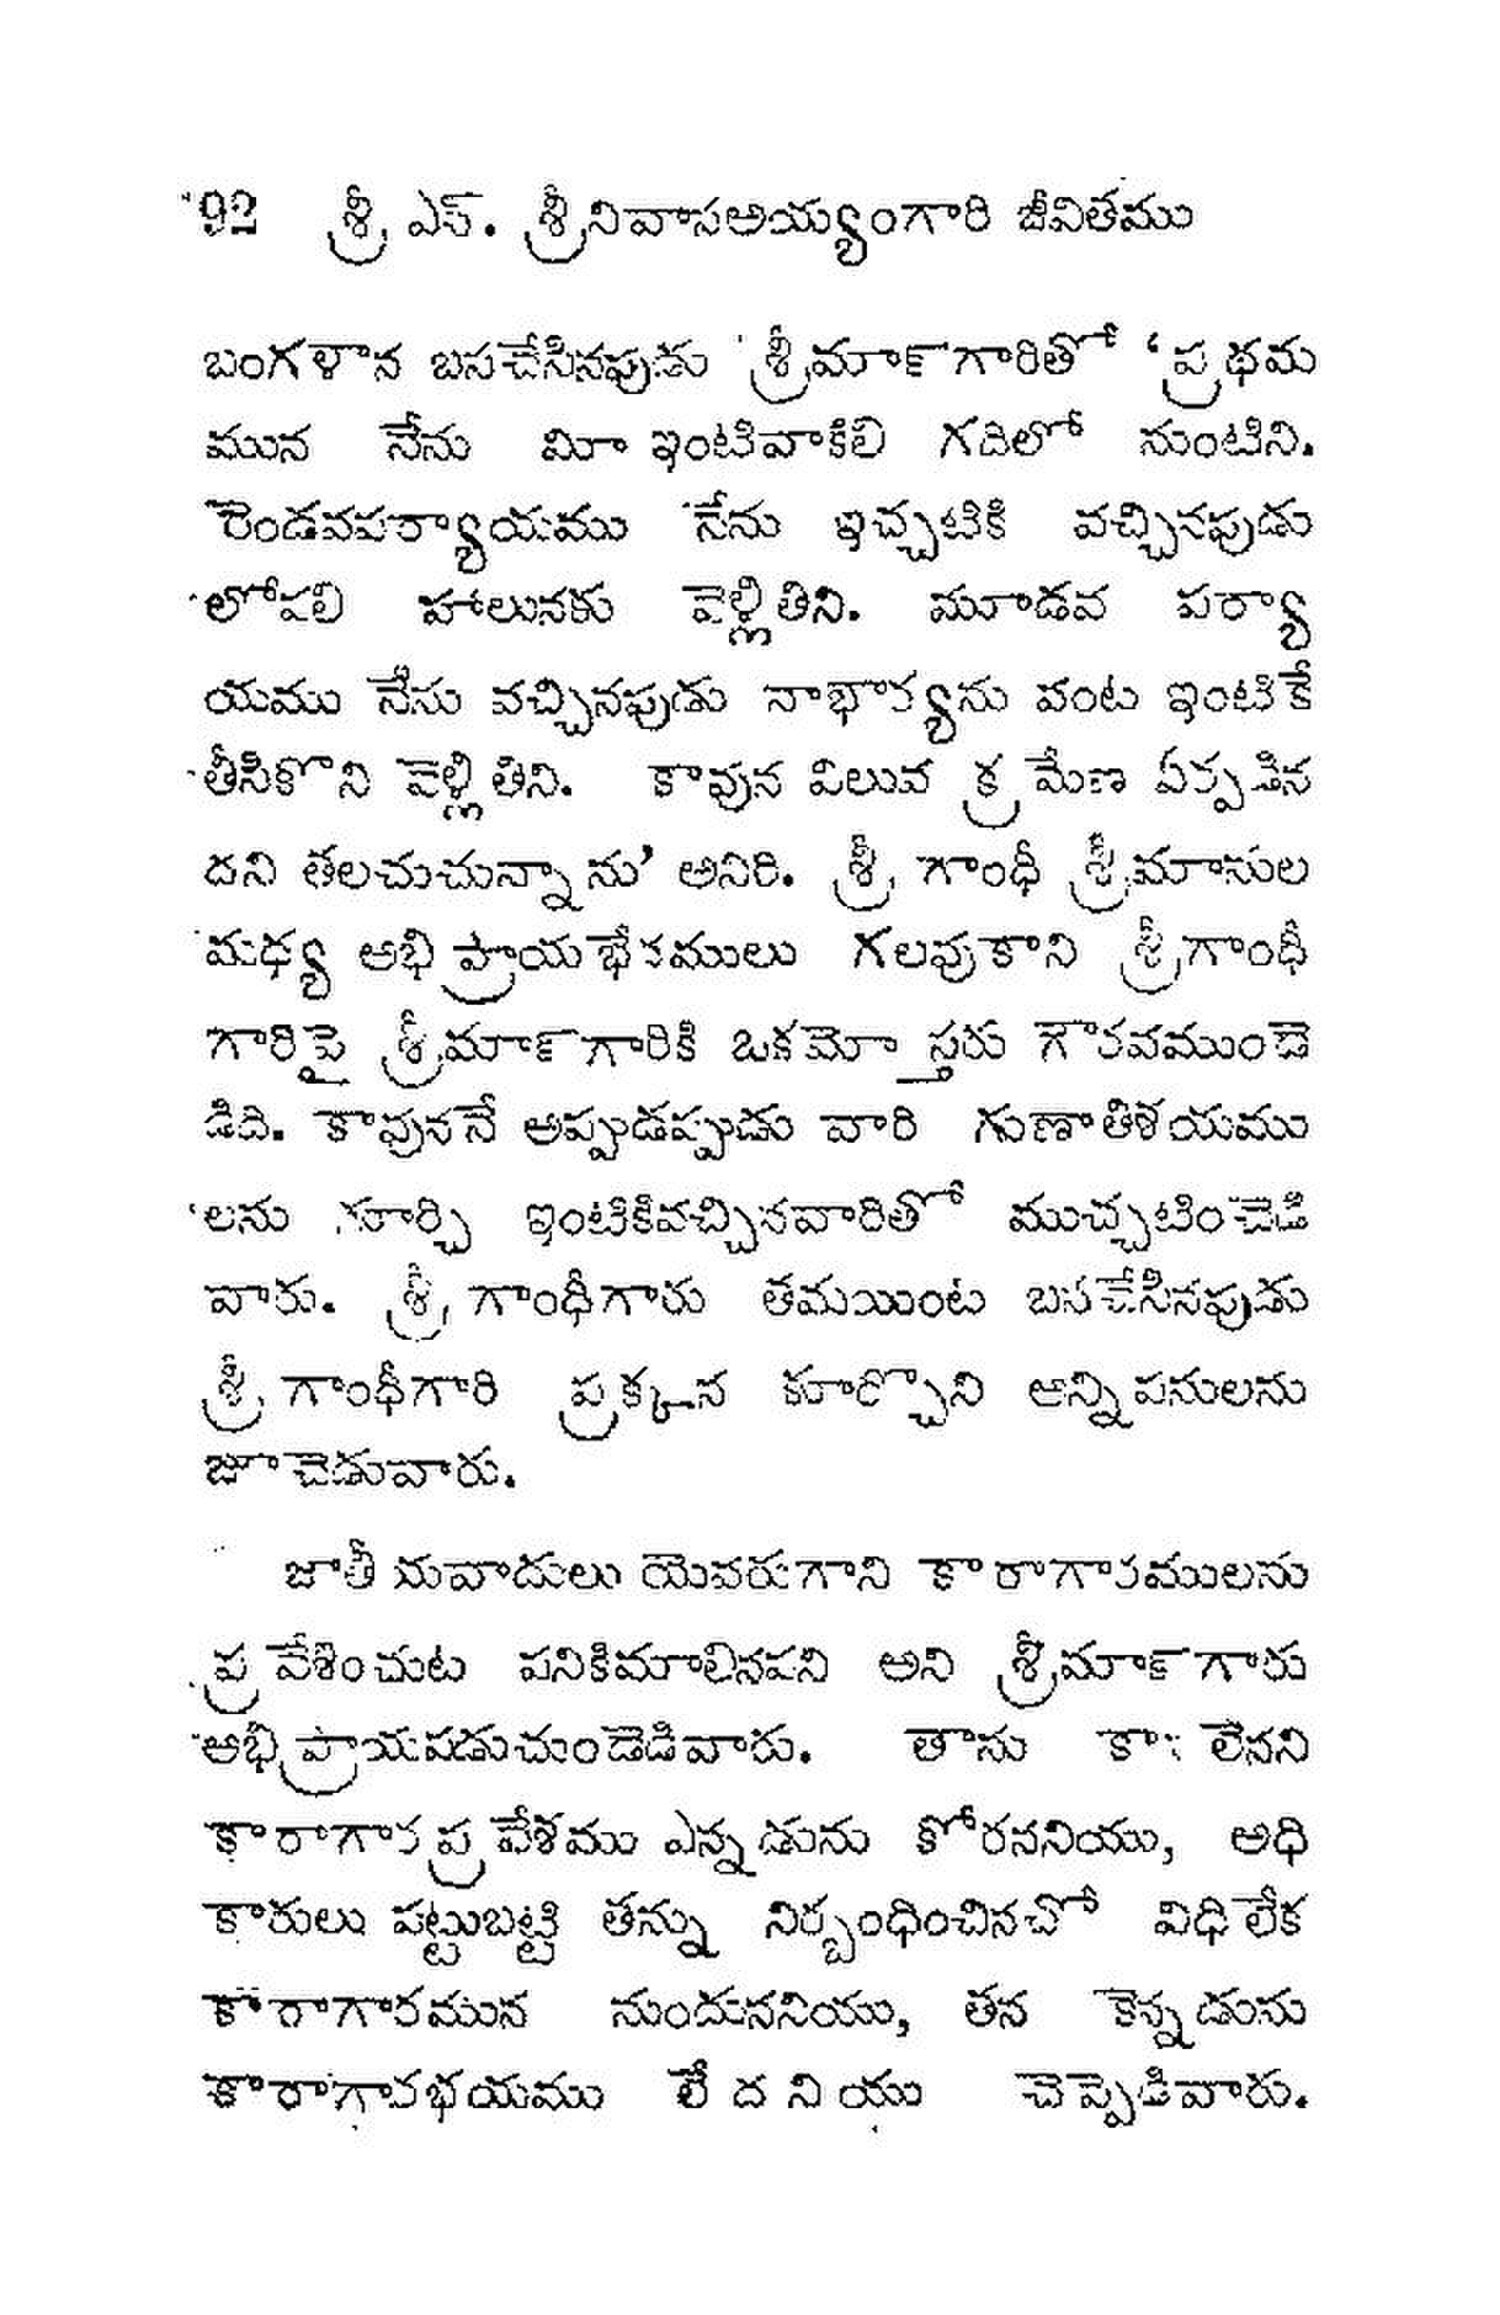బంగళాన బసచేసినపుడు శ్రీమా౯గారితో ప్రథమమున నేను మీ ఇంటివాకిలి గదిలో నుంటిని. రెండవపర్యాయము నేను ఇచ్చటికి వచ్చినపుడు లోపలి హాలునకు వెళ్లితిని. మూడవ పర్యాయము నేను వచ్చినపుడు నా భార్యను వంట ఇంటికే తీసికొని వెళ్లితిని. కావున విలువ క్రమేణ ఏర్పడినదని తలచుచున్నాను' అనిరి. శ్రీ గాంధీ శ్రీమానుల మధ్య అభిప్రాయభేదములు గలవుకాని శ్రీ గాంధీగారిపై శ్రీ మాణ౯గారికి ఒకమోస్తరు గౌరవముండెడిది. కావుననే అప్పుడప్పుడు వారి గుణాతిశయములను గూర్చి ఇంటికివచ్చినవారితో ముచ్చటించెడివారు. శ్రీ గాంధీగారు తమయింట బసచేసినపుడు శ్రీ గాంధీగారి ప్రక్కన కూర్చొని అన్నిపనులను జూచెడువారు. 

జాతీయవాదులు యెవరుగాని కారాగారములను ప్రవేశించుట పనికిమాలినపని అని శ్రీమా౯గారు అభిప్రాయపడుచుండెడివారు. తాను కావలెనని కారాగారప్రవేశము ఎన్నడును కోరననియు, అధికారులు పట్టుబట్టి తన్ను నిర్బంధించినచో విధిలేక కారాగారమున నుందుననియు, తన కెన్నడును కారాగారభయము లేదనియు చెప్పెడివారు.